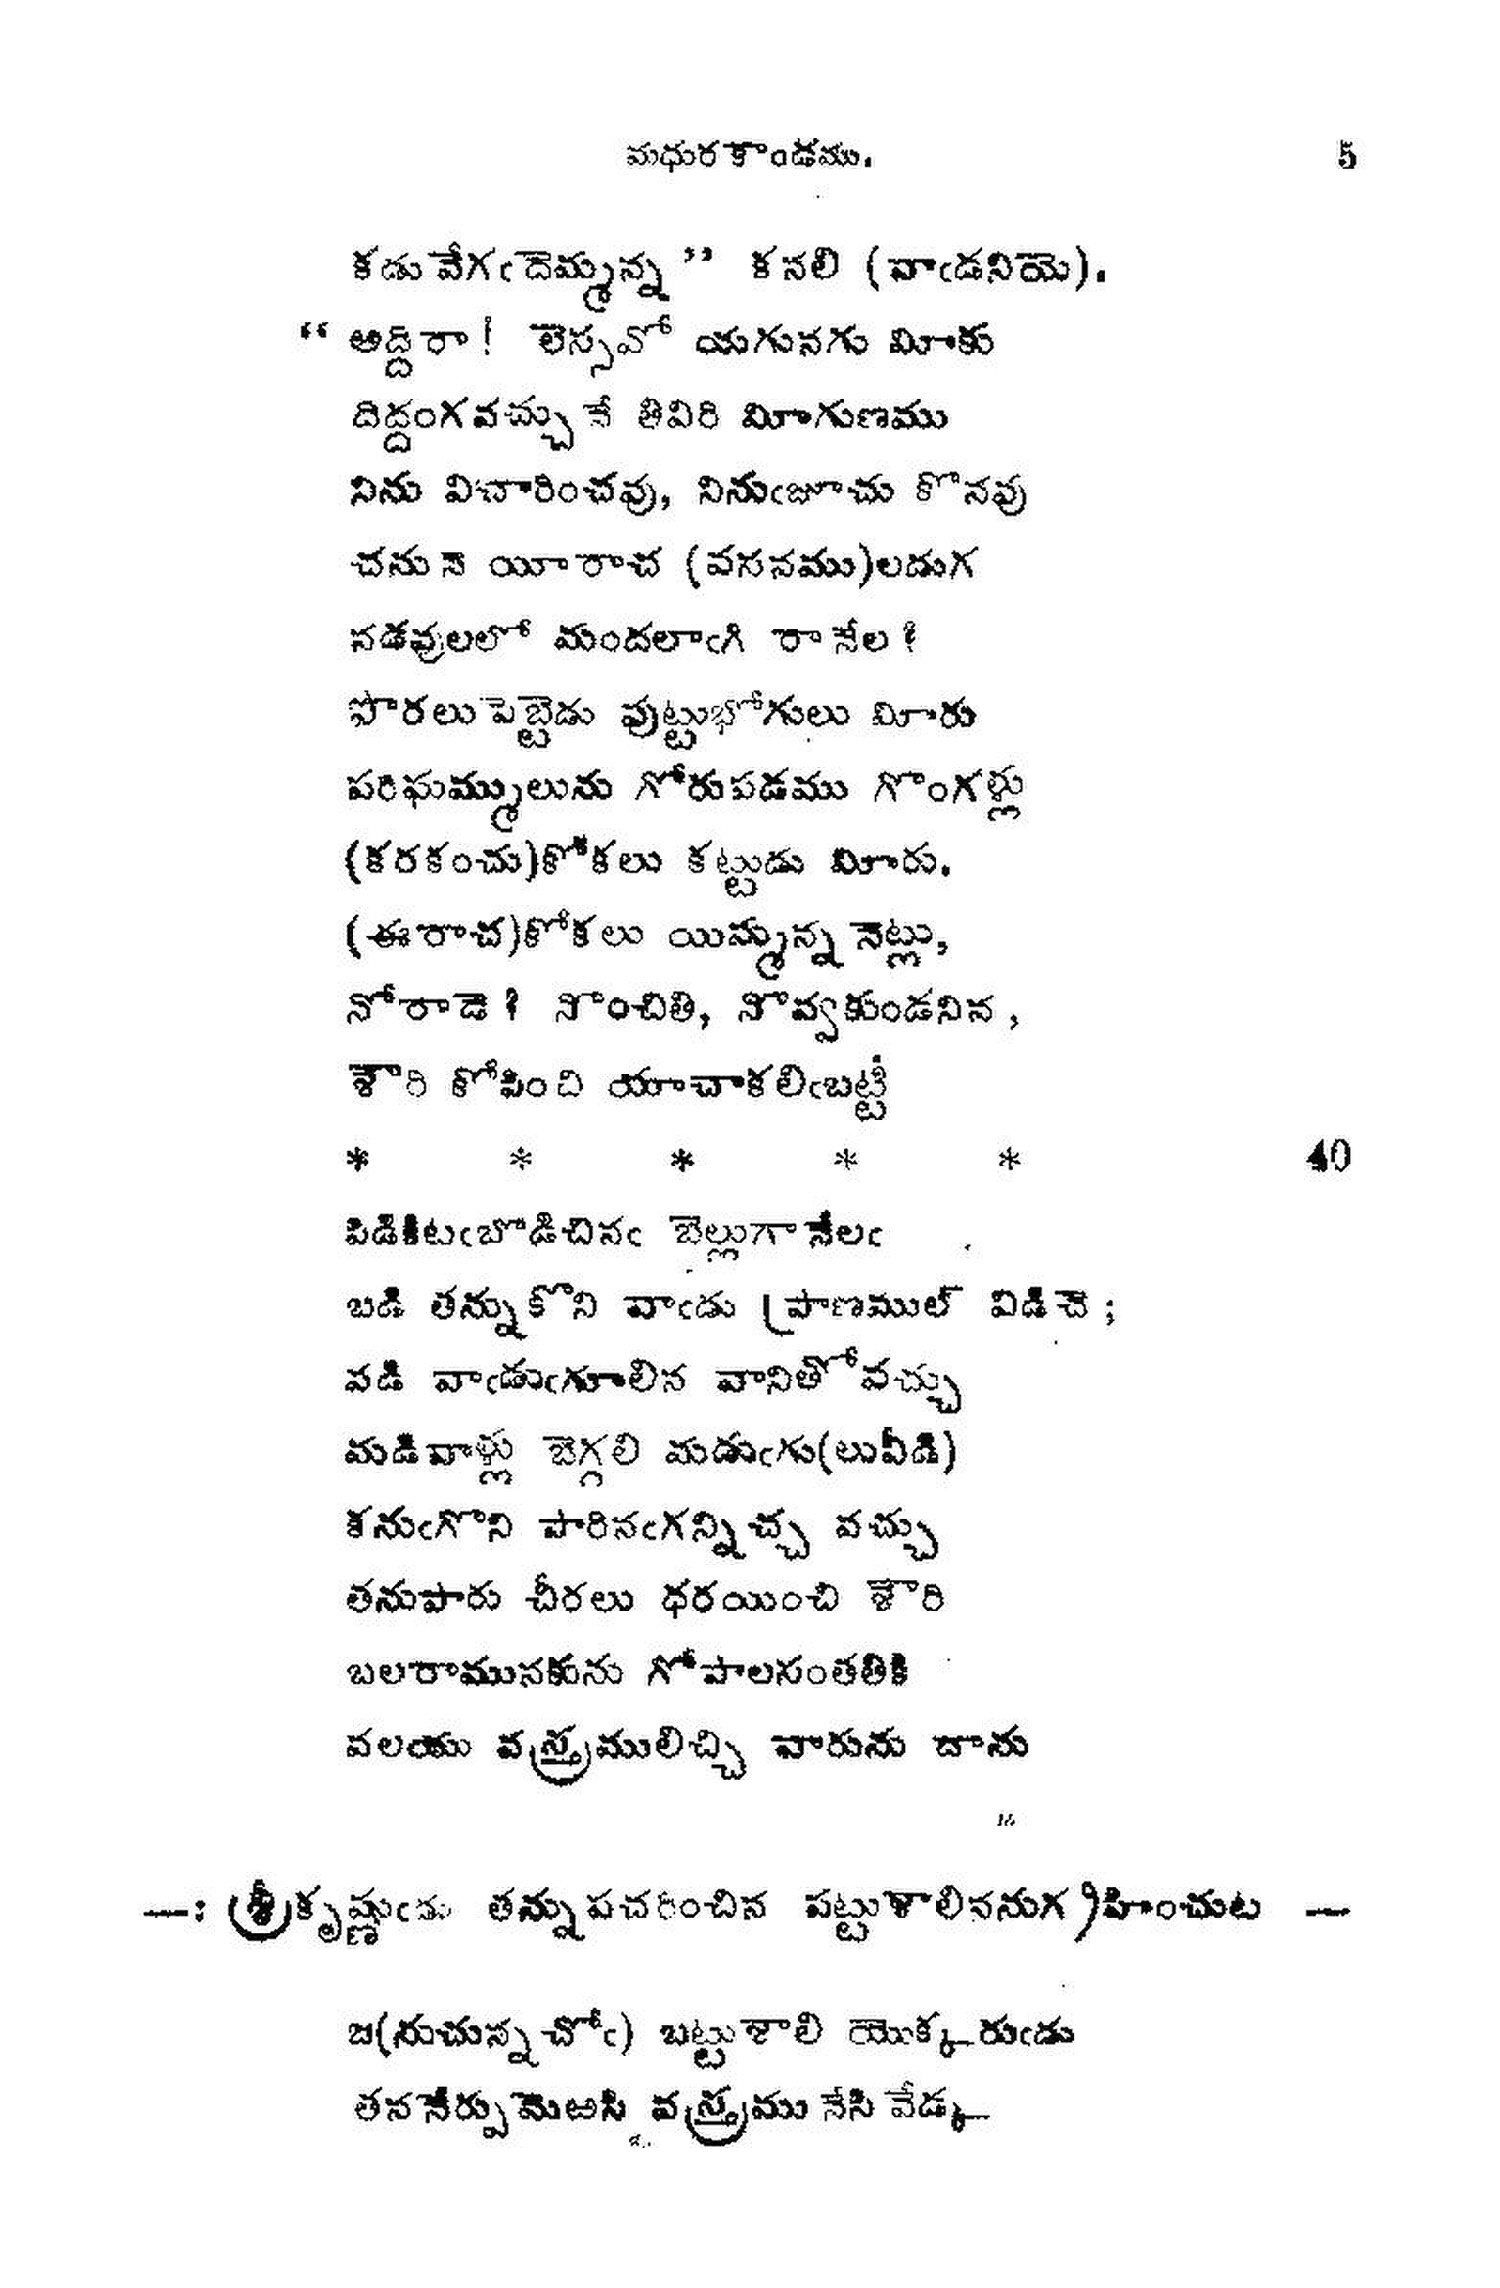కడువేగఁ దెమ్మన్న” కనలి (వాఁడనియె). 
“అద్దిరా! లెస్సవో యగునగు మీకు
దిద్దంగ వచ్చునే తివిరి మీ గుణము
నిను విచారించవు, నినుఁ జూచు కొనవు
చనునె యీ రాచ(వసనము) లడుగగ
నడవులలో మందలాఁగి రానేల? 
పొరలు పెట్టెడు పుట్టుభోగులు మీరు
పరిఘమ్ములును గోరుపడము గొంగళ్ళు
(కరకంచు)కోకలు కట్టుడు మీరు
(ఈ రాచ)కోకలు యిమ్మన్న నెట్లు,
నోరాడె? నొంచితి, నొవ్వకుం” డనిన, 
శౌరికోపించి యాచాకలిఁ బట్టి. 
......................................
పిడికిటఁ బొడిచినఁ బెల్లుగా నేలఁ
బడి తన్నుకొని వాఁడు ప్రాణముల్ విడిచె; 
వడివాఁడుఁ గూలిన వానితోవచ్చు
మడివాళ్ళు బెగ్గలి మడుఁగు(లు వీడి)
కనుఁగొని పారినఁ గన్నిచ్చ వచ్చు
తనుపారు చీరలు ధరయించి శౌరి
బలరామునకును గోపాలసంతతికి
వలయు వస్త్రములిచ్చి వారును దాను

జ(నుచున్నచోఁ) బట్టుశాలి యొక్కరుఁడు
తన నేర్పుమెఱసి వస్త్రమునేసి వేడ్క